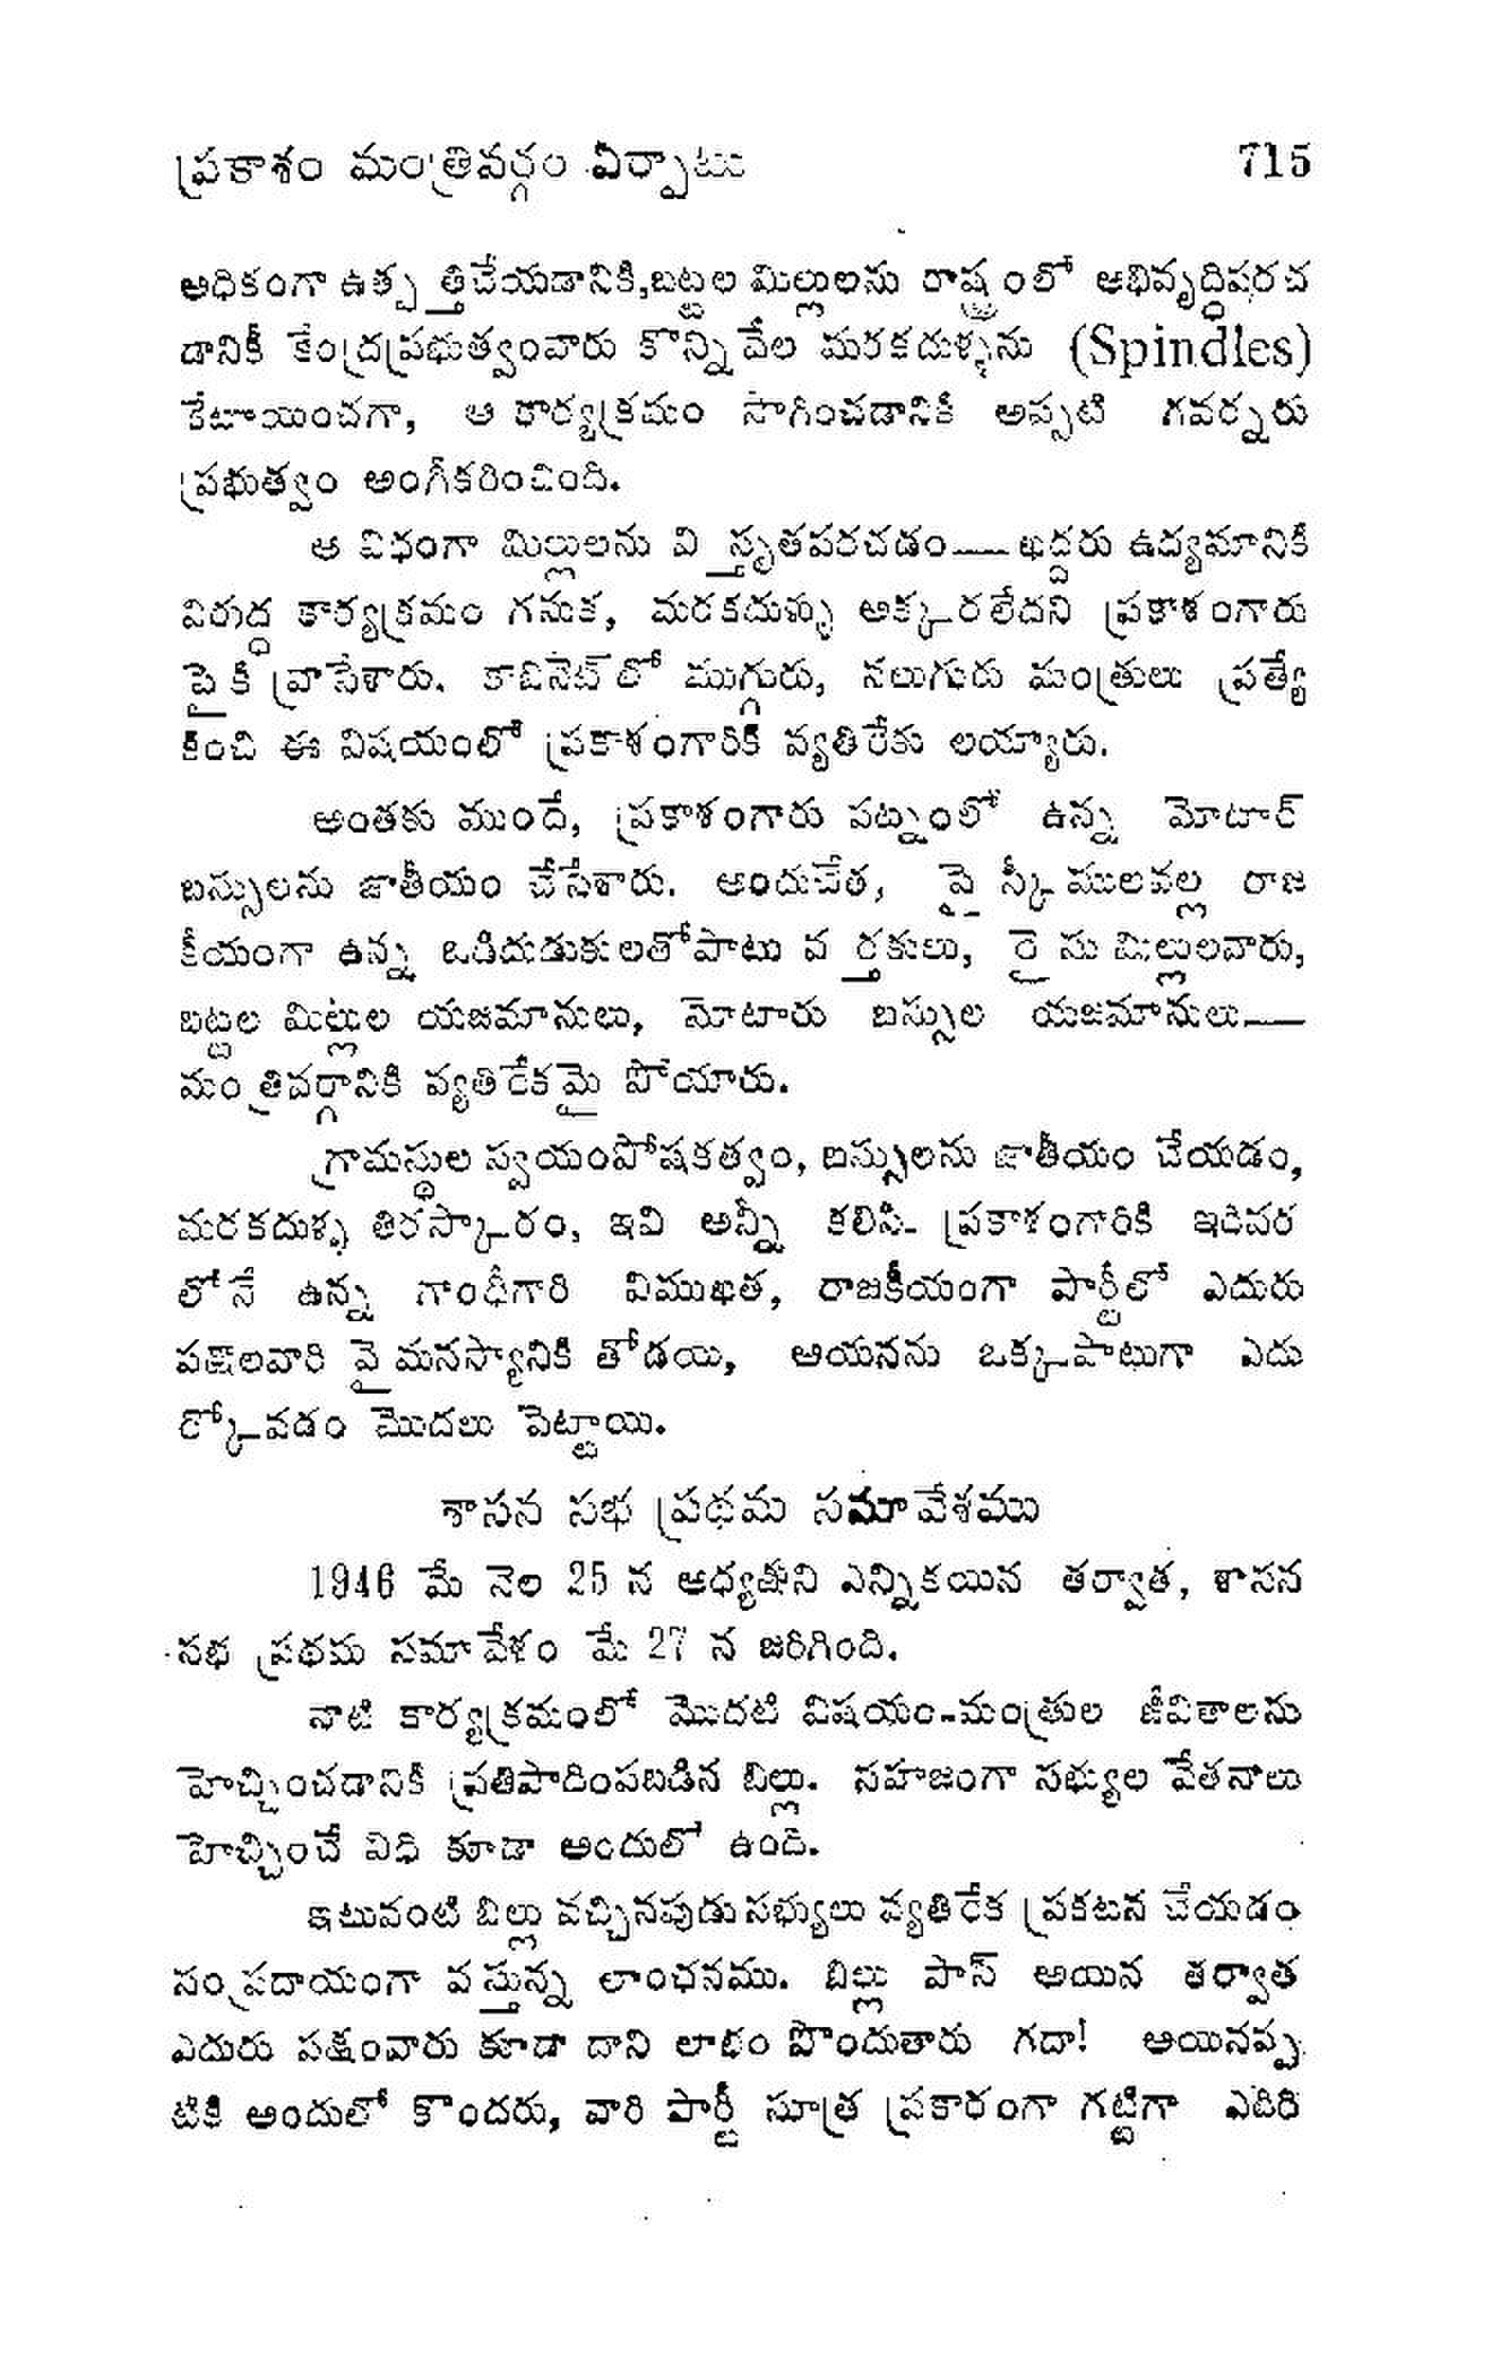అధికంగా ఉత్పత్తిచేయడానికి, బట్టల మిల్లులను రాష్ట్రంలో అభివృద్ధిపరచడానికీ కేంద్రప్రభుత్వంవారు కొన్నివేల మరకదుళ్ళను (Spindles) కేటాయించగా, ఆ కార్యక్రమం సాగించడానికి అప్పటి గవర్నరు ప్రభుత్వం అంగీకరించింది.

ఆ విధంగా మిల్లులను విస్తృతపరచడం - ఖద్దరు ఉద్యమానికి విరుద్ద కార్యక్రమం గనుక, మరకదుళ్ళు అక్కరలేదని ప్రకాశంగారు పైకి వ్రాసేశారు. కాబినెట్‌లో ముగ్గురు, నలుగురు మంత్రులు ప్రత్యేకించి ఈ విషయంలో ప్రకాశంగారికి వ్యతిరేకు లయ్యారు.

అంతకు ముందే, ప్రకాశంగారు పట్నంలో ఉన్న మోటార్ బస్సులను జాతీయం చేసేశారు. అందుచేత, పై స్కీములవల్ల రాజకీయంగా ఉన్న ఒడిదుడుకులతోపాటు వర్తకులు, రైసు మిల్లులవారు, బట్టల మిల్లుల యజమానులు, మోటారు బస్సుల యజమానులు - మంత్రివర్గానికి వ్యతిరేకమై పోయారు.

గ్రామస్థుల స్వయంపోషకత్వం, బస్సులను జాతీయం చేయడం, మరకదుళ్ళ తిరస్కారం, ఇవి అన్నీ కలిసి - ప్రకాశంగారికి ఇదివరలోనే ఉన్న గాంధీగారి విముఖత, రాజకీయంగా పార్టీలో ఎదురు పక్షాలవారి వైమనస్యానికి తోడయి, ఆయనను ఒక్కపాటుగా ఎదుర్కోవడం మొదలు పెట్టాయి.

1946 మే నెల 25 న అధ్యక్షుని ఎన్నికయిన తర్వాత, శాసన సభ ప్రథమ సమావేశం మే 27 న జరిగింది.

నాటి కార్యక్రమంలో మొదటి విషయం - మంత్రుల జీవితాలను హెచ్చించడానికి ప్రతిపాదింపబడిన బిల్లు. సహజంగా సభ్యుల వేతనాలు హెచ్చించే విధి కూడా అందులో ఉంది.

ఇటువంటి బిల్లు వచ్చినపుడు సభ్యులు వ్యతిరేక ప్రకటన చేయడం సంప్రదాయంగా వస్తున్న లాంఛనము. బిల్లు పాస్ అయిన తర్వాత ఎదురు పక్షంవారు కూడా దాని లాభం పొందుతారు గదా! అయినప్పటికి అందులో కొందరు, వారి పార్టీ సూత్ర ప్రకారంగా గట్టిగా ఎదిరి